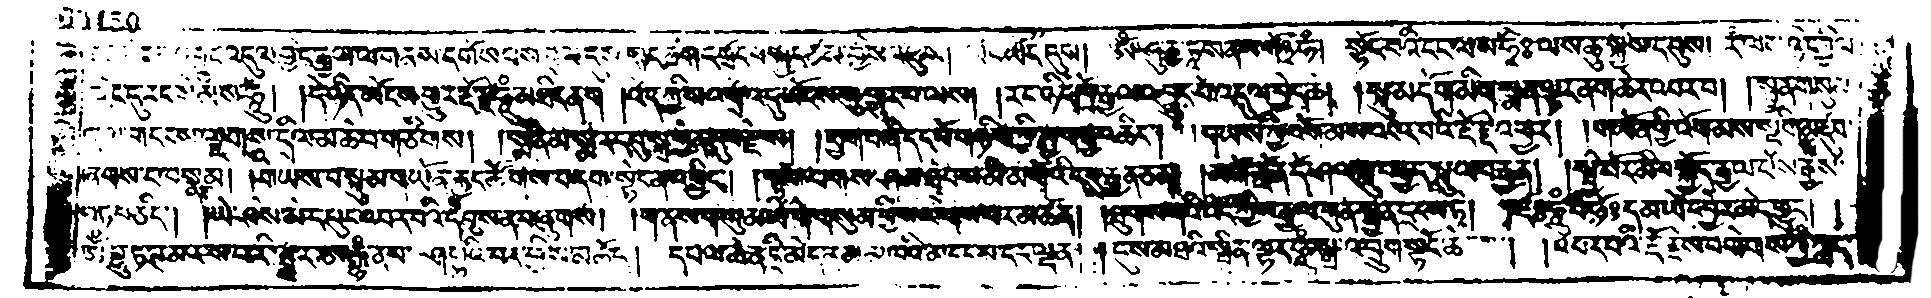རང་ཡི་དམ་འབྱུང་འདུལ་གྱི་ང་རྒྱལ་ལ་གནས་དགོས་བས་བྲལ་དུས་སྐད་ཅིག་དཀྲོང་བསྐྱེད་ཙམ་གྱིས་འཐུས། ལོང་ཡོང་དུས། ཨོཾ་ཤུ་ནྱ་ཏཱས་ནས་ཀོཉྲ་ཧཾ། སྟོང་པའི་ངང་ལས་ཧྲཱིཿ ལས་ཆུ་སྐྱེས་དབུས། རཾ་ལས་ཉི་དཀྱིལ་
སྟེང་དུ་རང་སེམས་ཧཱུཾ། །དེ་ཉིད་ཡོངས་གྱུར་རྡོ་རྗེ་ཧཱུཾ་མཐིང་ནག །འོད་ཀྱིས་འཕྲོ་འདུ་ཡོངས་སུ་གྱུར་བ་ལས། །རང་ཉིད་ཁྲོ་རྒྱལ་འབྱུང་པོ་འདུལ་བྱེད་ཆེ། །སྐུ་མདོག་མིག་སྨན་ལྟར་ནག་ཆེར་འབར་བ། །སྤྱན་གསུམ་
ཞལ་གདངས་ལྗགས་འདྲིལ་མཆེ་བ་གཙིགས། །སྨིན་མ་སྨ་ར་དབུ་སྐྲ་གྱེན་དུ་བརྫེས། །ཕྱག་བཞི་དང་པོ་གཉིས་ཀྱི་ཕྱག་རྒྱ་འཆིང་། །གཡས་ཀྱི་འོག་མས་འབར་བའི་རྡོ་རྗེ་འཕྱར། །གཡོན་གྱི་འོག་མས་སྡིགས་མཛུབ་
ཞགས་པ་བསྣམས། །གཡས་བསྐུམ་གཡོན་རྐྱང་ཚོགས་བདག་སྟེང་ན་འགྱིང་། །སྟག་པགས་ཤམ་ཐབས་མི་མགོའི་དབུ་རྒྱན་ཅན། །མགོ་རློན་དོ་ཤལ་ཀླུ་བརྒྱད་སྐུ་ལ་བརྒྱན། །སྤྱི་བོར་མི་བསྐྱོད་རྒྱལ་པོས་རྒྱས་
བཏབ་ཅིང་། །ཡེ་ཤེས་མེ་དཔུང་འབར་བའི་དབུས་ན་བཞུགས། །གནས་གསུམ་ཡི་གེ་གསུམ་གྱིས་ལེགས་པར་མཚན། །ཐུགས་ཀའི་འོད་ཀྱིས་རྒྱལ་ཀུན་སྤྱན་དྲངས་ཏེ། །ཛཿ ཧཱུཾ་བཾ་ཧོཿ དམ་ཡེ་དབྱེར་མེད་གྱུར། །
ཨོཾ་བྷུ་ཏ་ཊ་མ་ར་ས་པ་རི་ཝཱ་ར་ཨ་རྒྷཾ་ནས་ཤཔྟའི་བར་གྱིས་མཆོད། དཔལ་ཆེན་དྲི་མེད་ནམ་མཁའི་མདངས་དང་ལྡན། །དུས་མཐའི་སྤྲིན་ལྟར་ཧཱུཾ་སྒྲ་འབྲུག་སྟོང་ཆེ། །འབར་བའི་རྡོ་རྗེས་བགེགས་ཀྱི་ཀླང་